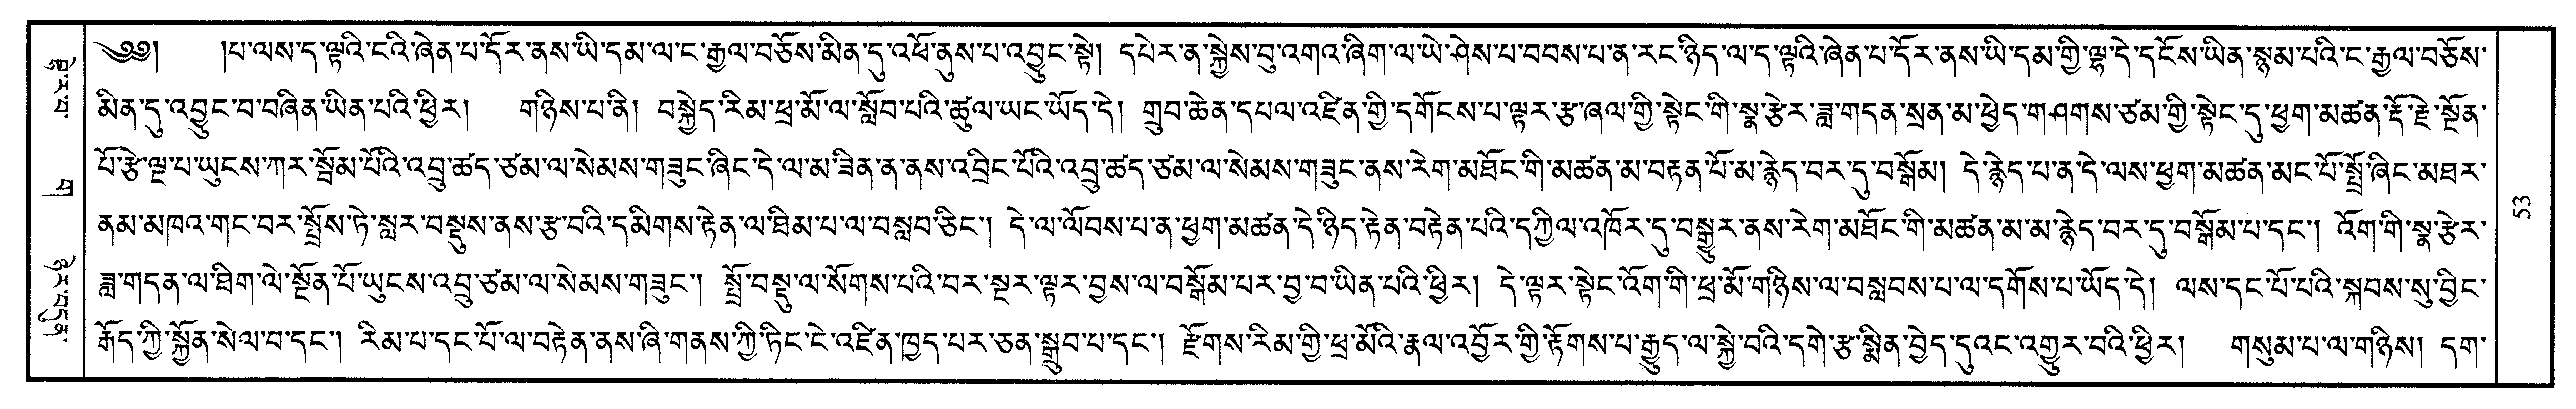༄༅། །པ་ལས་ད་ལྟའི་ངའི་ཞེན་པ་དོར་ནས་ཡི་དམ་ལ་ང་རྒྱལ་བཅོས་མིན་དུ་འཕོ་ནུས་པ་འབྱུང་སྟེ། དཔེར་ན་སྐྱེས་བུ་འགའ་ཞིག་ལ་ཡེ་ཤེས་པ་བབས་པ་ན་རང་ཉིད་ལ་ད་ལྟའི་ཞེན་པ་དོར་ནས་ཡི་དམ་གྱི་ལྷ་དེ་དངོས་ཡིན་སྙམ་པའི་ང་རྒྱལ་བཅོས་
མིན་དུ་འབྱུང་བ་བཞིན་ཡིན་པའི་ཕྱིར། གཉིས་པ་ནི། བསྐྱེད་རིམ་ཕྲ་མོ་ལ་སློབ་པའི་ཚུལ་ཡང་ཡོད་དེ། གྲུབ་ཆེན་དཔལ་འཛིན་གྱི་དགོངས་པ་ལྟར་རྩ་ཞལ་གྱི་སྟེང་གི་སྣ་རྩེར་ཟླ་གདན་སྲན་མ་ཕྱེད་གཤགས་ཙམ་གྱི་སྟེང་དུ་ཕྱག་མཚན་རྡོ་རྗེ་སྔོན་
པོ་རྩེ་ལྔ་པ་ཡུངས་ཀར་སྦོམ་པོའི་འབྲུ་ཚད་ཙམ་ལ་སེམས་གཟུང་ཞིང་དེ་ལ་མ་ཟིན་ན་ནས་འབྲིང་པོའི་འབྲུ་ཚད་ཙམ་ལ་སེམས་གཟུང་ནས་རེག་མཐོང་གི་མཚན་མ་བརྟན་པོ་མ་རྙེད་བར་དུ་བསྒོམ། དེ་རྙེད་པ་ན་དེ་ལས་ཕྱག་མཚན་མང་པོ་སྤྲོ་ཞིང་མཐར་
ནམ་མཁའ་གང་བར་སྤྲོས་ཏེ་སླར་བསྡུས་ནས་རྩ་བའི་དམིགས་རྟེན་ལ་ཐིམ་པ་ལ་བསླབ་ཅིང་། དེ་ལ་ལོབས་པ་ན་ཕྱག་མཚན་དེ་ཉིད་རྟེན་བརྟེན་པའི་དཀྱིལ་འཁོར་དུ་བསྒྱུར་ནས་རེག་མཐོང་གི་མཚན་མ་མ་རྙེད་བར་དུ་བསྒོམ་པ་དང་། འོག་གི་སྣ་རྩེར་
ཟླ་གདན་ལ་ཐིག་ལེ་སྔོན་པོ་ཡུངས་འབྲུ་ཙམ་ལ་སེམས་གཟུང་། སྤྲོ་བསྡུ་ལ་སོགས་པའི་བར་སྔར་ལྟར་བྱས་ལ་བསྒོམ་པར་བྱ་བ་ཡིན་པའི་ཕྱིར། དེ་ལྟར་སྟེང་འོག་གི་ཕྲ་མོ་གཉིས་ལ་བསླབས་པ་ལ་དགོས་པ་ཡོད་དེ། ལས་དང་པོ་པའི་སྐབས་སུ་བྱིང་
རྒོད་ཀྱི་སྐྱོན་སེལ་བ་དང་། རིམ་པ་དང་པོ་ལ་བརྟེན་ནས་ཞི་གནས་ཀྱི་ཏིང་ངེ་འཛིན་ཁྱད་པར་ཅན་སྒྲུབ་པ་དང་། རྫོགས་རིམ་གྱི་ཕྲ་མོའི་རྣལ་འབྱོར་གྱི་རྟོགས་པ་རྒྱུད་ལ་སྐྱེ་བའི་དགེ་རྩ་སྨིན་བྱེད་དུའང་འགྱུར་བའི་ཕྱིར། གསུམ་པ་ལ་གཉིས། དག་